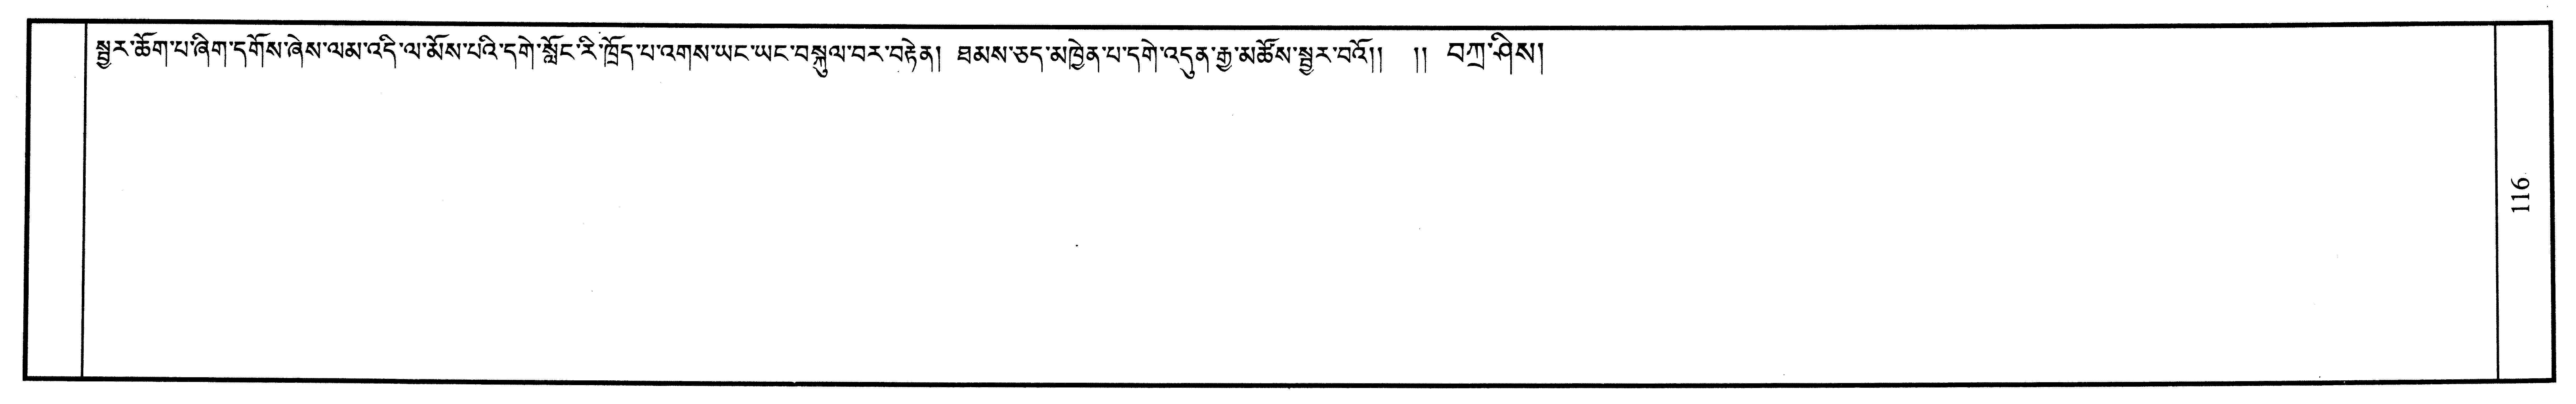སྦྱར་ཆོག་པ་ཞིག་དགོས་ཞེས་ལམ་འདི་ལ་མོས་པའི་དགེ་སློང་རི་ཁྲོད་པ་འགས་ཡང་ཡང་བསྐུལ་བར་བརྟེན། ཐམས་ཅད་མཁྱེན་པ་དགེ་འདུན་རྒྱ་མཚོས་སྦྱར་བའོ།། །།བཀྲ་ཤིས།